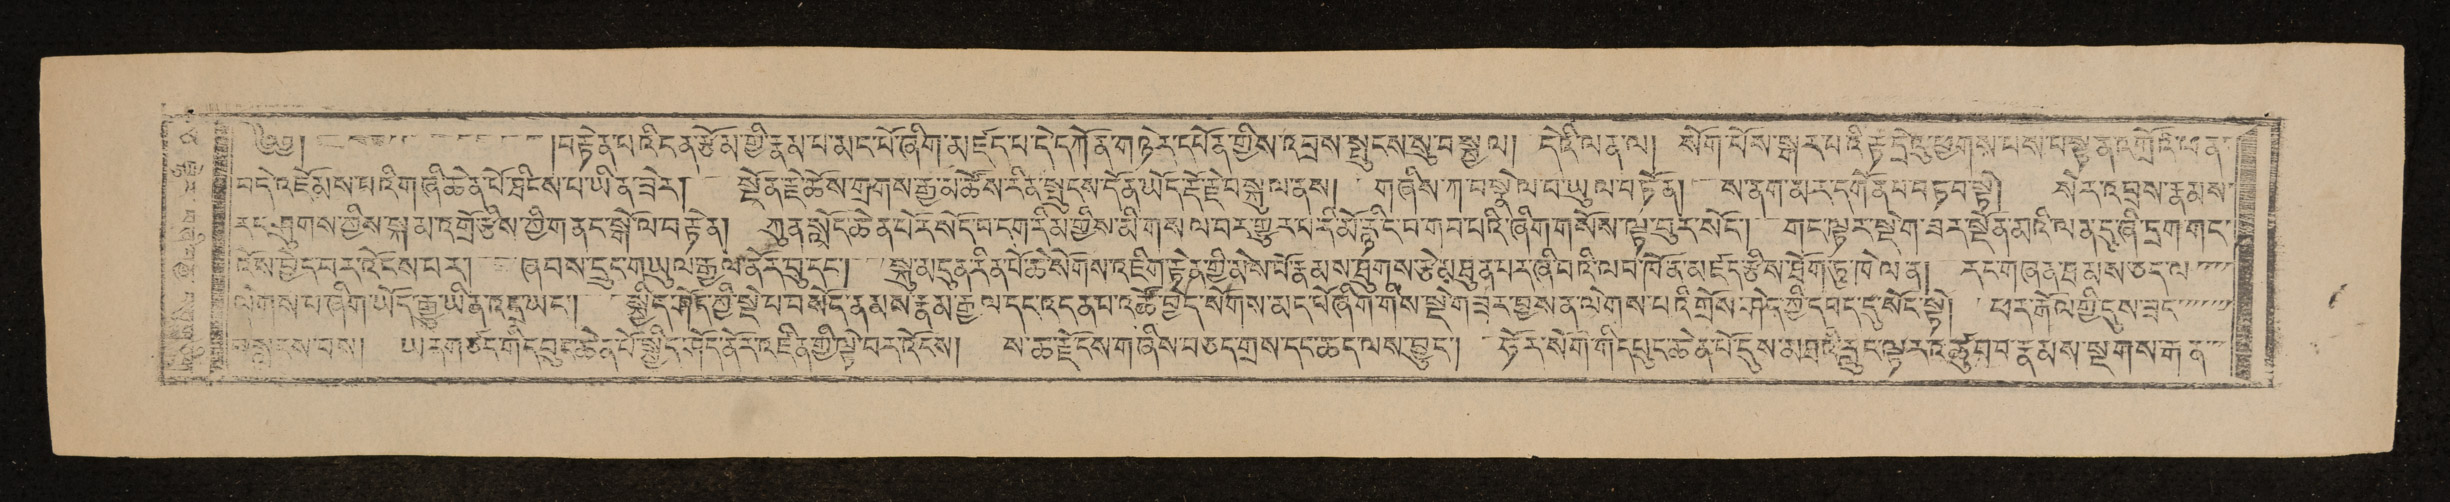༄༅། །བརྟེན་པའི་ངན་རྩོམ་གྱི་རྣམ་པ་མང་པོ་ཞིག་མཛད་པ་དེ་དཀོན་གཉེར་དབོན་གྱིས་འབྲས་སྤུངས་སུ་བསྐྱལ། དེའི་ལན་ལ། སོག་པོས་སྒར་པའི་རྟ་དྲེའུ་ཕྱགས་པས་བསྟན་འགྲོའི་ཕན་
བདེ་འཇོམས་པའི་གཞི་ཆེན་པོ་ཐིངས་པ་ཡིན་ཟེར། སྔོན་རྗེ་ཆོས་གྲགས་རྒྱ་མཚོས་རིན་སྤུངས་དོན་ཡོད་རྡོ་རྗེ་བསྐུལ་ནས། གཞིས་ཀ་བསྣེལ་པ་ཡུལ་བཏོན། ས་ནག་མར་དགོན་པ་བཏབ་སྟེ། སེར་འབྲས་རྣམས་
རང་ཤུགས་ཀྱིས་སྐམ་འགྲོ་རྩིས་ཀྱི་གནང་སྒོ་ལ་བརྟེན། ཀུན་སློང་ཆེན་པོར་སོང་བ་དག་རིམ་གྱིས་མི་གསལ་བར་གྱུར་བ་རི་མོ་རྙིང་བ་གབ་པའི་ཞིག་གསོས་ལྟ་བུར་སོང་། གང་ལྟར་སྡེ་གཟར་སྔོན་མའི་ལན་དུ་ཞི་དྲག་གང་
འོས་བྱེད་བར་འོངས་པར། ཞབས་དྲུང་གཡུལ་རྒྱལ་ནོར་བུ་དང་། སྐུ་མདུན་རིན་པོ་ཆེ་སོགས་འཇིག་རྟེན་གྱི་མེས་པོ་རྣམས་ཐུགས་རྩེ་མཐུན་པར་ཞི་བའི་ལབ་ཁོ་ན་མཛད་རྩིས་ཐོག་ཏུ་ཁེལ་ན། རང་གཞན་ཐམས་ཅད་ལ་
ལེགས་པ་ཞིག་ཡོང་རྒྱུ་ཡིན་འདྲ་ཡང་། སྐྱིད་ཤོད་ཀྱི་སྡེ་པ་བསོད་ནམས་རྣམ་རྒྱལ་དང་འདན་པ་འཚོ་བྱེད་སོགས་མང་པོ་ཞིག་གིས་སྡེ་གཟར་བྱས་ན་ལེགས་པའི་གྲོས་ཤེད་ཀྱི་དབང་དུ་སོང་སྟེ། ཕར་རྒོལ་གྱི་དུས་ཟང་
བསླངས་པས། ཡར་གཙང་གི་དཔུང་ཆེན་པོ་སྐྱིད་ཤོད་ནོར་འཛིན་གྱི་ལྟེ་བར་འོངས། ས་ཆ་རྫོངས་གཞིས་བཅད་གྲས་དང་ཆད་ལས་བྱུང་། ཧོར་སོག་གི་དཔུང་ཆེན་པོ་དུས་མཐའི་རླུང་ལྟར་འཚུབ་པ་རྣམས་སྔགས་རྒན་